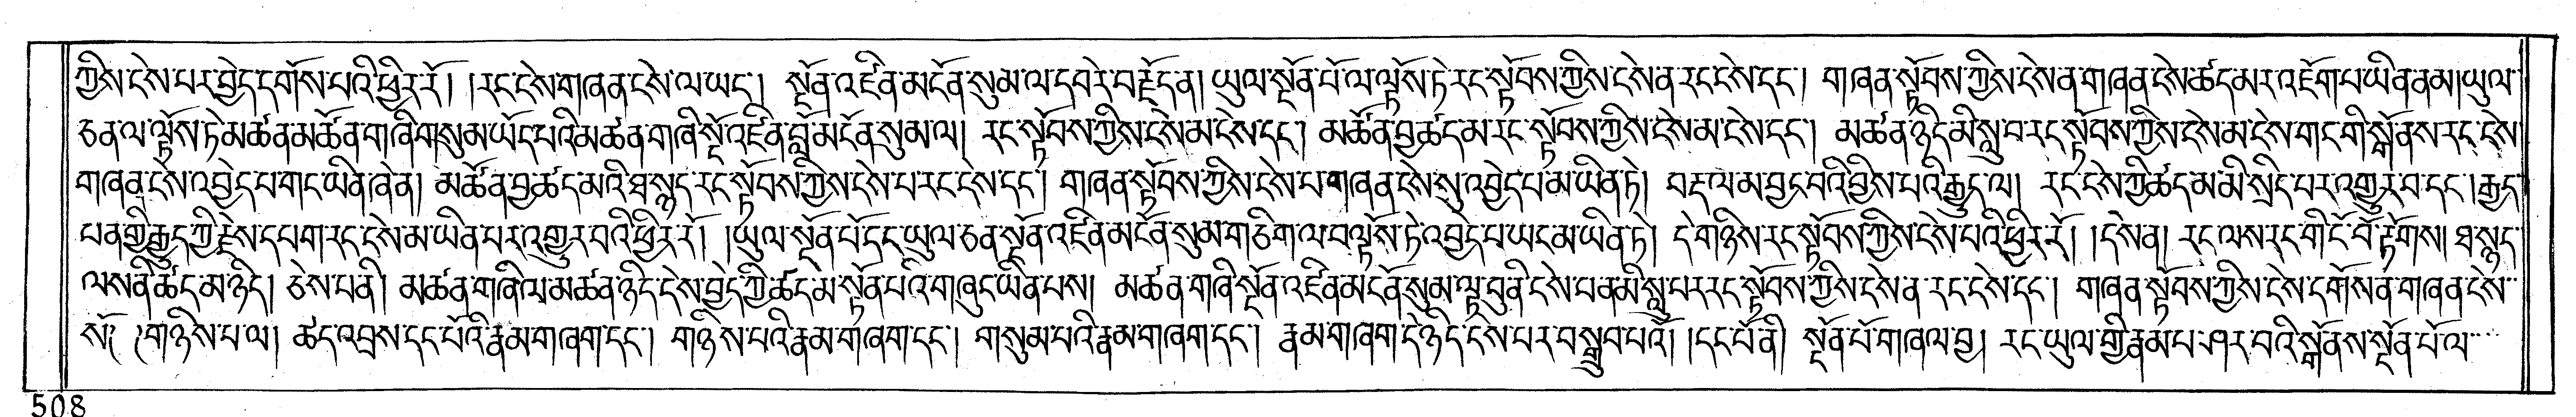ཀྱིས་ངེས་བར་བྱེད་དགོས་པའི་ཕྱིར་རོ། །རང་ངེས་གཞན་ངེས་ལ་ཡང་། སྔོན་འཛིན་མངོན་སུམ་ལ་དཔེར་བརྗོད་ན། ཡུལ་སྔོན་པོ་ལ་ལྟོས་ཏེ་རང་སྟོབས་ཀྱིས་ངེས་ན་རང་ངེས་དང་། གཞན་སྟོབས་ཀྱིས་ངེས་ན་གཞན་ངེས་ཚད་མར་འཇོག་པ་ཡིན་ནམ། ཡུལ་
ཅན་ལ་ལྟོས་ཏེ་མཚན་མཚོན་གཞི་གསུམ་ཡོད་པའི་མཚན་གཞི་སྔོ་འཛིན་བློ་མངོན་སུམ་ལ། རང་སྟོབས་ཀྱིས་ངེས་མ་ངེས་དང་། མཚོན་བྱ་ཚང་མ་རང་སྟོབས་ཀྱིས་ངེས་མ་ངེས་དང་། མཚན་ཉིད་མི་སླུ་བ་རང་སྟོབས་ཀྱིས་ངེས་མ་ངེས་གང་གི་སྒོ་ནས་རང་ངེས་
གཞན་ངེས་འབྱེད་པ་གང་ཡིན་ཞེ་ན། མཚོན་བྱ་ཚད་མའི་ཐ་སྙད་རང་སྟོབས་ཀྱིས་ངེས་པ་རང་ངེས་དང་། གཞན་སྟོབས་ཀྱིས་ངེས་པ་གཞན་ངེས་སུ་འབྱེད་པ་མ་ཡིན་ཏེ། བརྡ་ལམ་བྱང་བའི་བྱིས་པའི་རྒྱུད་ལ། རང་ངེས་ཀྱི་ཚད་མ་མི་སྲིད་པར་འགྱུར་བ་དང་། རྒྱང་
བན་གྱི་རྒྱུད་ཀྱི་རྗེས་དཔག་རང་ངེས་མ་ཡིན་པར་འགྱུར་བའི་ཕྱིར་རོ། །ཡུལ་སྔོན་པོ་དང་ཡུལ་ཅན་སྔོན་འཛིན་མངོན་སུམ་གཅིག་ལ་བལྟོས་ཏེ་འབྱེད་པ་ཡང་མ་ཡིན་ཏེ། དེ་གཉིས་རང་སྟོབས་ཀྱིས་ངེས་པའི་ཕྱིར་རོ། །དེས་ན། རང་ལས་རང་གི་ངོ་བོ་རྟོགས། ཐ་སྙད་
ལས་ནི་ཚད་མ་ཉིད། ཅེས་པ་ནི། མཚན་གཞི་ལ་མཚན་ཉིད་ངེས་བྱེད་ཀྱི་ཚད་མ་སྟོན་པའི་གཞུང་ཡིན་པས། མཚན་གཞི་སྔོན་འཛིན་མངོན་སུམ་ལྟ་བུ་ནི་ངེས་པ་ན་མི་སླུ་བར་རང་སྟོབས་ཀྱིས་ངེས་ན་རང་ངེས་དང་། གཞན་སྟོབས་ཀྱིས་ངེས་དགོས་ན་གཞན་ངེས་
སོ༑ ༑གཉིས་བ་ལ། ཚད་འབྲས་དང་པོའི་རྣམ་གཞག་དང་། གཉིས་པའི་རྣམ་གཞག་དང་། གསུམ་པའི་རྣམ་གཞག་དང་། རྣམ་གཞག་དེ་ཉིད་ངེས་པར་བསྒྲུབ་པའོ། །དང་པོ་ནི། སྔོན་པོ་གཞལ་བྱ། རང་ཡུལ་གྱི་རྣམ་པ་ཤར་བའི་སྒོ་ནས་སྔོན་པོ་ལ་